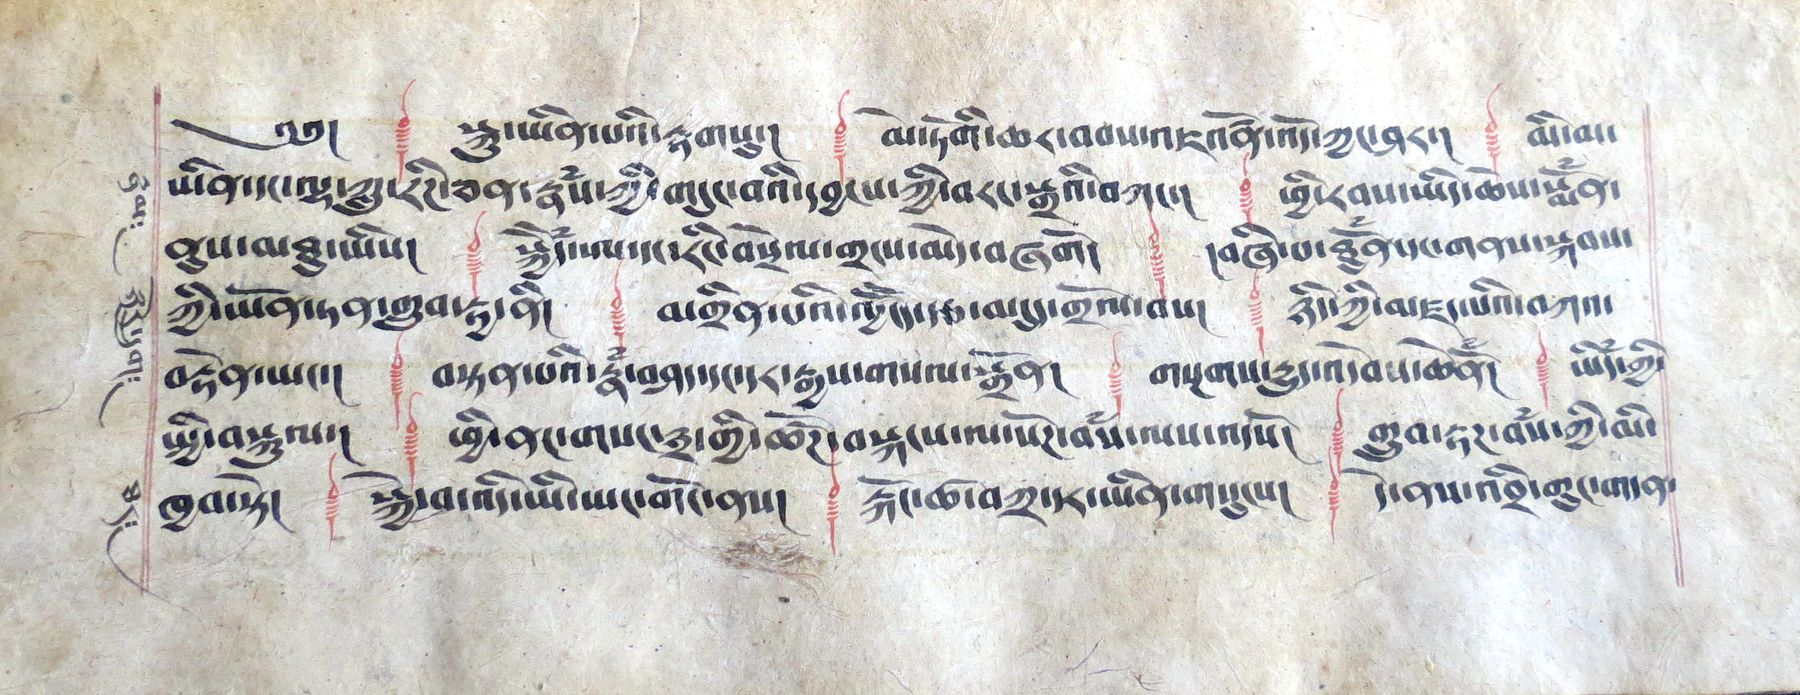སྐུ་ཡིན་པའི་རྟགས་སུ། མེ་ཏོག་ཆར་བབས་གཞའ་ཚོན་འོད་ཀྱང་ཤར། མི་མ་
ཡིན་དང་ལྷ་ཀླུ་རིག་ཅན་རྣམས་ཀྱིེས་གདུང་དབྱངས་ཀྱི་བར་སྣང་སྒྲ་ཡིས་གང་། ཕྱི་རབས་ཡིད་ཆེས་སྨོན་ལམ་
ནུས་མཐུ་ཡིས། སྐྱེ་མེད་ཨ་དང་རིང་བསྲེལ་གྲངས་མེད་བཞག་གོ། བཞི་པ་ཐུན་མོང་དང་གནས་སྐབས་
ཀྱི་ཡོན་ཏན་གྲུབ་རྟགས་ནི། མགྲིན་པ་ལོངས་སྤྱོད་རྩ་མདུད་གྲོལ་བས། ཉིད་ཀྱིས་མཛད་པའི་བཀའ་
བརྟེན་ཡང་། བསྟན་པའི་རྣམ་བཤད་དང་དར་རྒྱས་གསལ་སྒྲོན་། གསང་སྔགས་རྒྱུད་འདེབས་ཆེན་མོ། ཡི་དམ་
སྤྱི་བསྐུལ། ཕྱི་ནང་གསང་གསུམ་གྱི་ཚོགས་བསྐང་ལས་སོགས་པ་བསམ་ལས་འདས་སོ། གྲུབ་རྟགས་བསམ་གྱིས་མི་
ཁྱབ་སྟེ། སྐྱེ་བ་འདི་ཡི་ཡང་གོང་ན་ཀོང་ཚ་བཀྲ་དར་ཡིན་གསུངས། དེ་ནས་འབྲི་གུང་གདན་